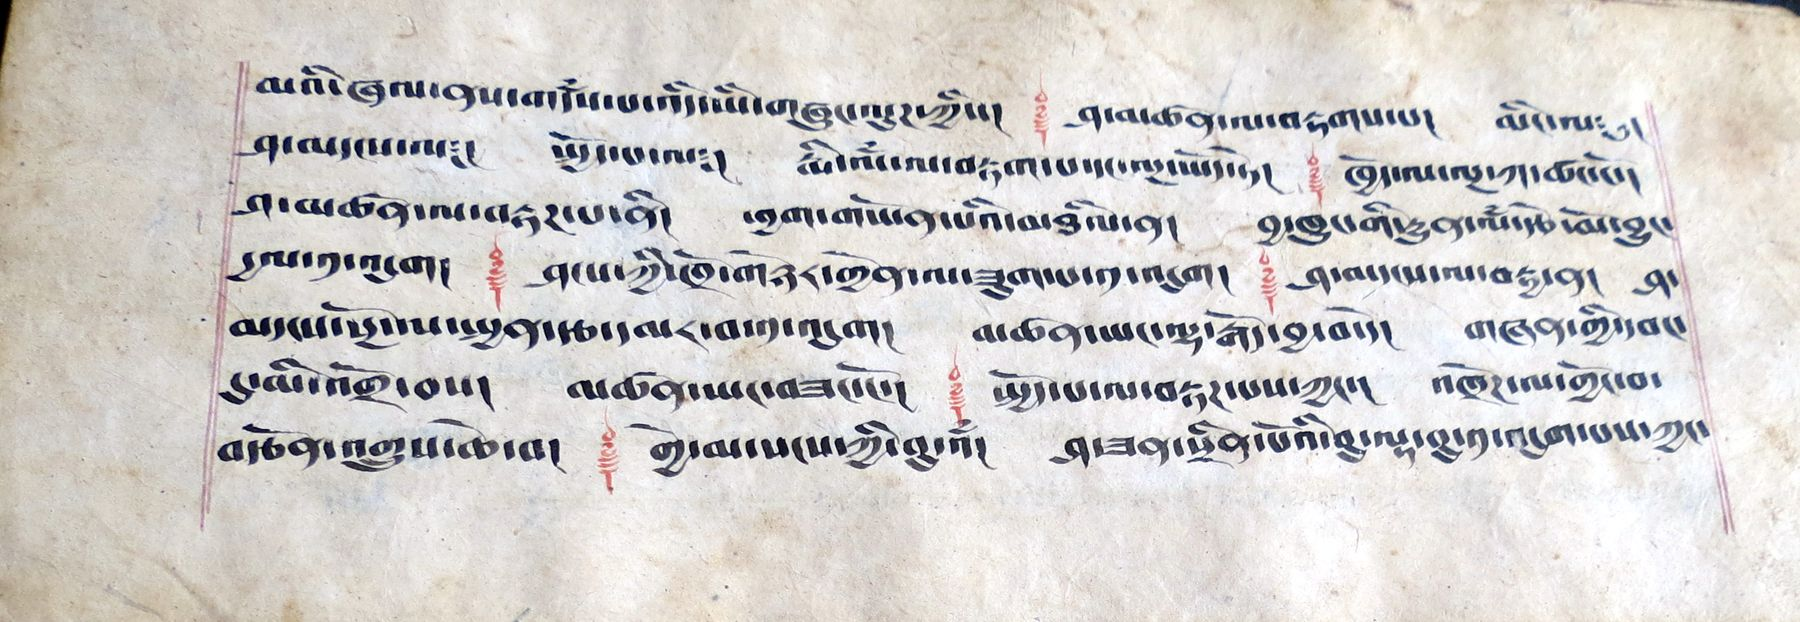མའི་ཞལ་ནས་གདམས་པ་འདི་ཡི་གཞུང་ལུགས་ཀྱིས། ཤ་མཚན་ལ་བརྟག་པ། མིང་ལ་བརྟག་པ། 
ཤ་མདངས་ལ་བརྟགས་པ། སྤྱོད་པ་ལ་བརྟག་པ། རྨི་ལམ་ལ་བརྟག་པ་ལྔ་པོ་དེ། ཁྱེད་ལ་ལྔ་ག་ཚང་ངོ། ། 
ཤ་མཚན་ལ་བརྟག་པ་ནི། ཕྱག་གཡོན་པའི་མཐིལ་ན་བྱ་ཁྱུང་གིས་རྒྱུན་ལམ་རྩེ་མོ་བྱུང་
རྒྱལ་ཞིག་འདུག ཤངས་ཀྱི་ཁྲོ་གཉེར་གྱེན་ལ་ཟུག་པ་ཞིག་འདུག ཤ་མདངས་ལ་བརྟགས་ན། ཤ་
མདངས་སྔོ་ལ་སྤྱན་རྩ་དམར་པ་ཞིག་འདུག་མཚན་ཡང་ལྷ་རྒོད་བྱ་བ་ནི། གཞན་གྱི་དབང་
དུ་མི་འགྲོ་བས་མཚན་ཡང་བཟང་ངོ། ། སྤྱོད་པ་ལ་བརྟག་པས་ཀྱང་འཁྲེགས་ལ་གྱོང་པ། 
བརྩོན་འགྲུས་ཆེ་བ། གེ་མ་སང་གི་བུའམ། ཤ་ཟན་སྲིན་པོའི་བུ་ལྟ་བུ་ཞིག་འདུག་པས་ཀྱང་